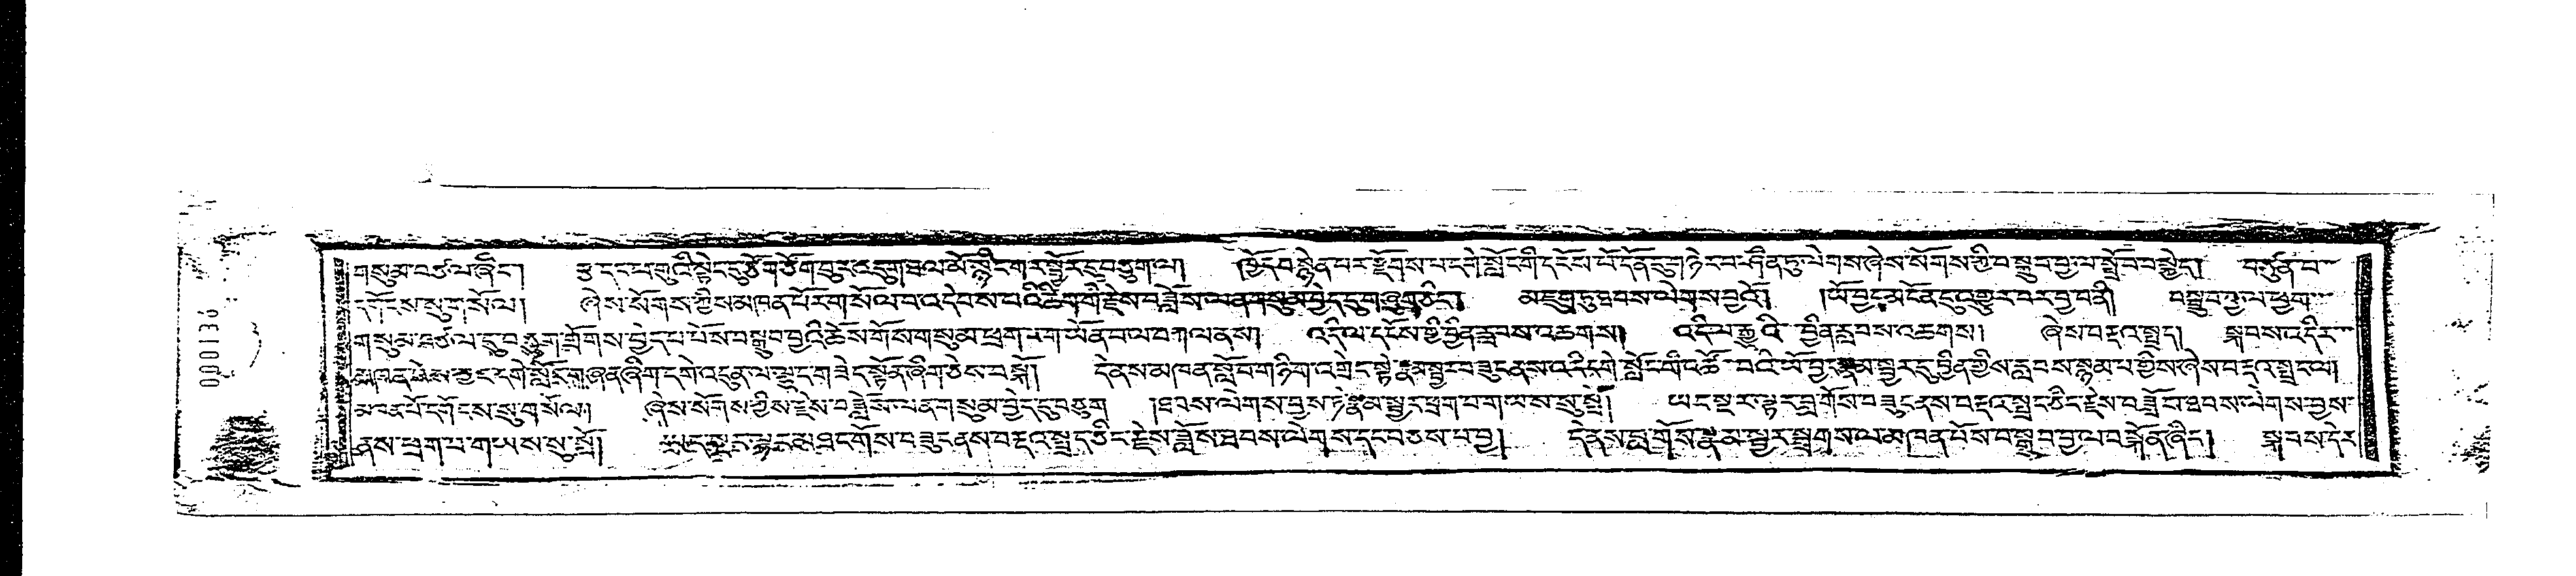གསུམ་བཙལ་ཞིང་། རྩ་དང་ཕ་གུའི་སྟེང་དུ་ཙོག་ཙོག་བུར་འདུག་ཐལ་མོ་སྙིང་གར་སྦྱོར་དུ་བཅུག་ལ། ཁྱོད་བསྙེན་པར་རྫོགས་པ་དགེ་སློང་གི་དངོས་པོ་དོན་དུ་གཉེར་བ་ཤིན་ཏུ་ལེགས་ཞེས་སོགས་ཀྱི་བསྒྲུབ་བྱ་ལ་སྤྲོ་བ་བསྐྱེད། བཙུན་པ་
དགོངས་སུ་གསོལ། ཞེས་སོགས་ཀྱིས་མཁན་པོར་གསོལ་བ་འདེབས་པའི་ཚིག་གི་རྗེས་བཟློས་ལན་གསུམ་བྱེད་དུ་གཞུག་ཅིང་། མཇུག་ཏུ་ཐབས་ལེགས་བྱའོ། །ཡོ་བྱད་མངོན་དུ་འགྱུར་བར་བྱ་བ་ནི། བསྒྲུབ་བྱ་ལ་ཕྱག་
གསུམ་བཙལ་དུ་བཅུག་གྲོགས་བྱེད་པ་པོས་བསྒྲུབ་བྱའི་ཆོས་གོས་གསུམ་ཕྲག་པ་གཡོན་པ་ལ་བཀལ་ནས། འདི་ལ་དངོས་ཀྱི་བྱིན་རླབས་འཆགས། འདི་ལ་རྒྱུའི་བྱིན་རླབས་འཆགས། ཞེས་བརྡའ་སྤྲད། སྐབས་འདིར་
མཁན་པོས་ཀྱང་དགེ་སློང་གཞན་ཞིག་དགེ་འདུན་ལ་ལྷུང་བཟེད་སྟོན་ཞིག་ཅེས་བསྐོ། དེ་ནས་མཁན་སློབ་གཉི་ག་འགྲེང་སྟེ་རྣམ་སྦྱར་བཟུང་ནས་འདི་དགེ་སློང་གི་འཚོ་བའི་ཡོ་བྱད་རྣམ་སྦྱར་དུ་བྱིན་གྱིས་རླབས་སྙམ་པ་གྱིས་ཞེས་བརྡའ་སྤྲད་ལ།
མཁན་པོ་དགོངས་སུ་གསོལ། ཞེས་སོགས་ཀྱིས་རྗེས་བཟློས་ལན་གསུམ་བྱེད་དུ་བཅུག །ཐབས་ལེགས་བྱས་ཏེ་རྣམ་སྦྱར་ཕྲག་པ་གཡས་སུ་སྤོ། ཡང་སྔར་ལྟར་བླ་གོས་བཟུང་ནས་བརྡའ་སྤྲད་ཅིང་རྗེས་བཟློས་ཐབས་ལེགས་བྱས་
ནས་ཕྲག་པ་གཡས་སུ་སྤོ། ཡང་སྔར་ལྟར་མཐང་གོས་བཟུང་ནས་བརྡའ་སྤྲད་ཅིང་རྗེས་ཟློས་ཐབས་ལེགས་དང་བཅས་པ་བྱ། དེ་ནས་བླ་གོས་རྣམ་སྦྱར་སྒྲགས་ལ་མཁན་པོས་བསྒྲུབ་བྱ་ལ་བསྐོན་ཞིང་། སྐབས་དེར་